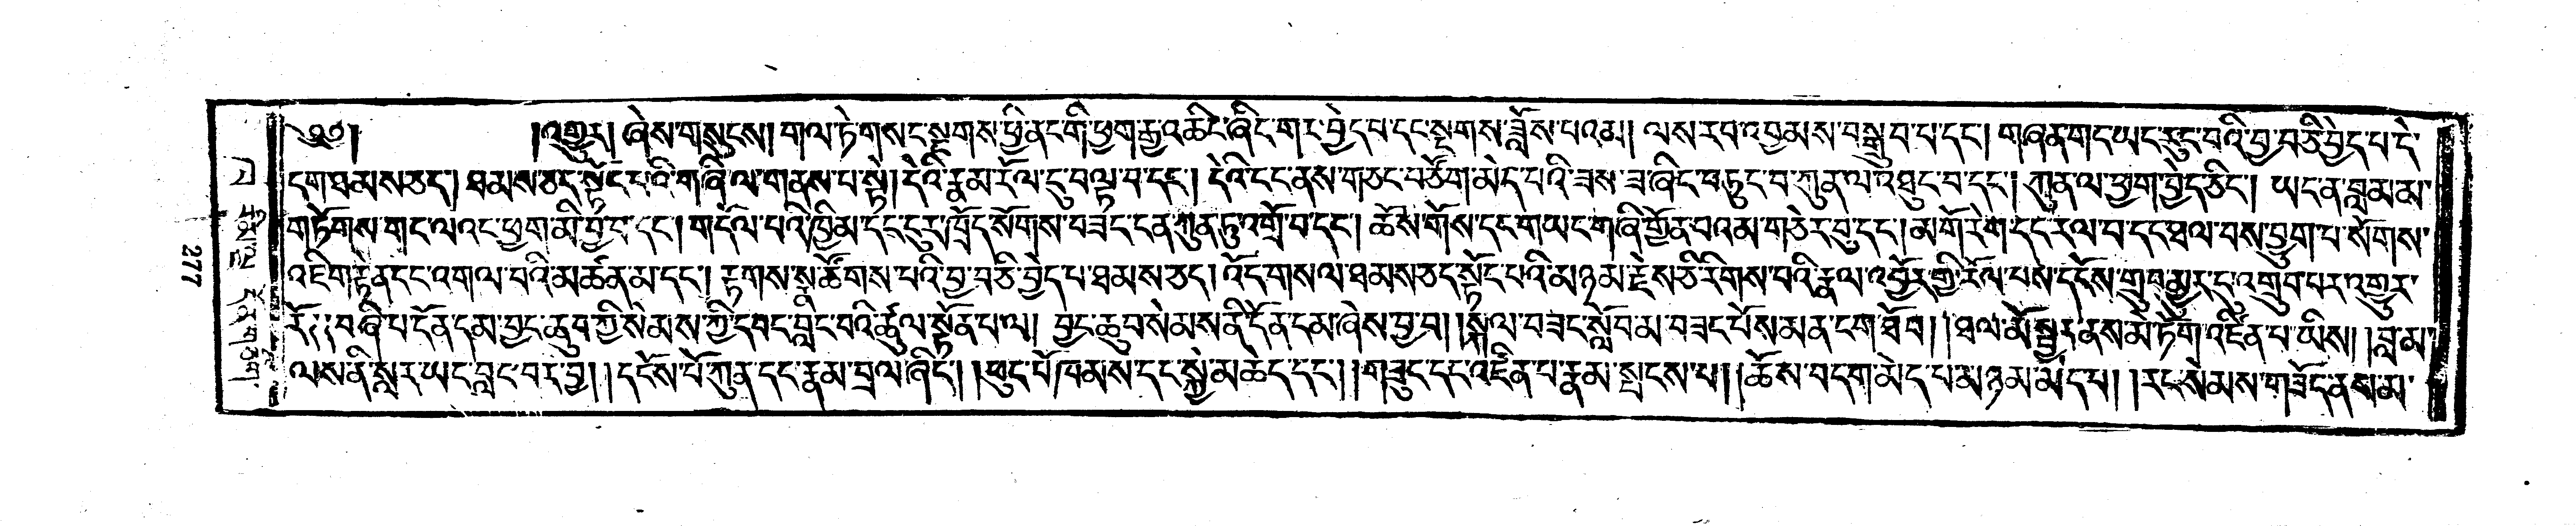༄༅། །འགྱུར། ཞེས་གསུངས། གལ་ཏེ་གསང་སྔགས་ཕྱི་ནང་གི་ཕྱག་རྒྱ་འཆིང་ཞིང་གར་བྱེད་པ་དང་སྔགས་ཟློས་པའམ། ལས་རབ་འབྱམས་བསྒྲུབ་པ་དང་། གཞན་གང་ཡང་རུང་བའི་བྱ་བ་ཅི་བྱེད་པ་དེ་
དག་ཐམས་ཅད། ཐམས་ཅད་སྟོང་པའི་གཞི་ལ་གནས་པ་སྟེ། དེའི་རྣམ་རོལ་དུ་བལྟ་བ་དང་། དེའི་ངང་ནས་གཙང་བཙོག་མེད་པའི་ཟས་ཟ་ཞིང་བཏུང་བ་ཀུན་ལ་འཐུང་བ་དང་། ཀུན་ལ་ཕྱག་བྱེད་ཅིང་། ཡང་ན་བླ་མ་མ་
གཏོགས་གང་ལའང་ཕྱག་མི་བྱ་བ་དང་། གདོལ་བའི་ཁྱིམ་དང་དུར་ཁྲོད་སོགས་བཟང་ངན་ཀུན་ཏུ་འགྲོ་བ་དང་། ཆོས་གོས་དང་གཡང་གཞི་གྱོན་པའམ་གཅེར་བུ་དང་། མགོ་རེག་དང་རལ་པ་དང་ཐལ་བས་བྱུག་པ་སོགས་
འཇིག་རྟེན་དང་འགལ་བའི་མཚན་མ་དང་། རྟགས་སྣ་ཚོགས་པའི་བྱ་བ་ཅི་བྱེད་པ་ཐམས་ཅད། འོད་གསལ་ཐམས་ཅད་སྟོང་པའི་མཉམ་རྗེས་ཅི་རིགས་པའི་རྣལ་འབྱོར་གྱི་རོལ་བས་དངོས་གྲུབ་མྱུར་དུ་འགྲུབ་པར་འགྱུར་
རོ༑ ༑བཞི་པ་དོན་དམ་བྱང་ཆུབ་ཀྱི་སེམས་ཀྱི་དབང་བླང་པའི་ཚུལ་སྟོན་པ་ལ། བྱང་ཆུབ་སེམས་ནི་དོན་དམ་ཞེས་བྱ་བ། །སྐལ་བཟང་སློབ་མ་བཟང་པོས་མན་ངག་ཐོབ། །ཐལ་མོ་སྦྱར་ནས་མེ་ཏོག་འཛིན་པ་ཡིས། །བླ་མ་
ལས་ནི་སླར་ཡང་བླང་བར་བྱ། །དངོས་པོ་ཀུན་དང་རྣམ་བྲལ་ཞིང་། །ཕུང་པོ་ཁམས་དང་སྐྱེ་མཆེད་དང་། །གཟུང་དང་འཛིན་པ་རྣམ་སྤངས་པ། །ཆོས་བདག་མེད་པ་མཉམ་མེད་པ། །རང་སེམས་གཟོད་ནས་མ་